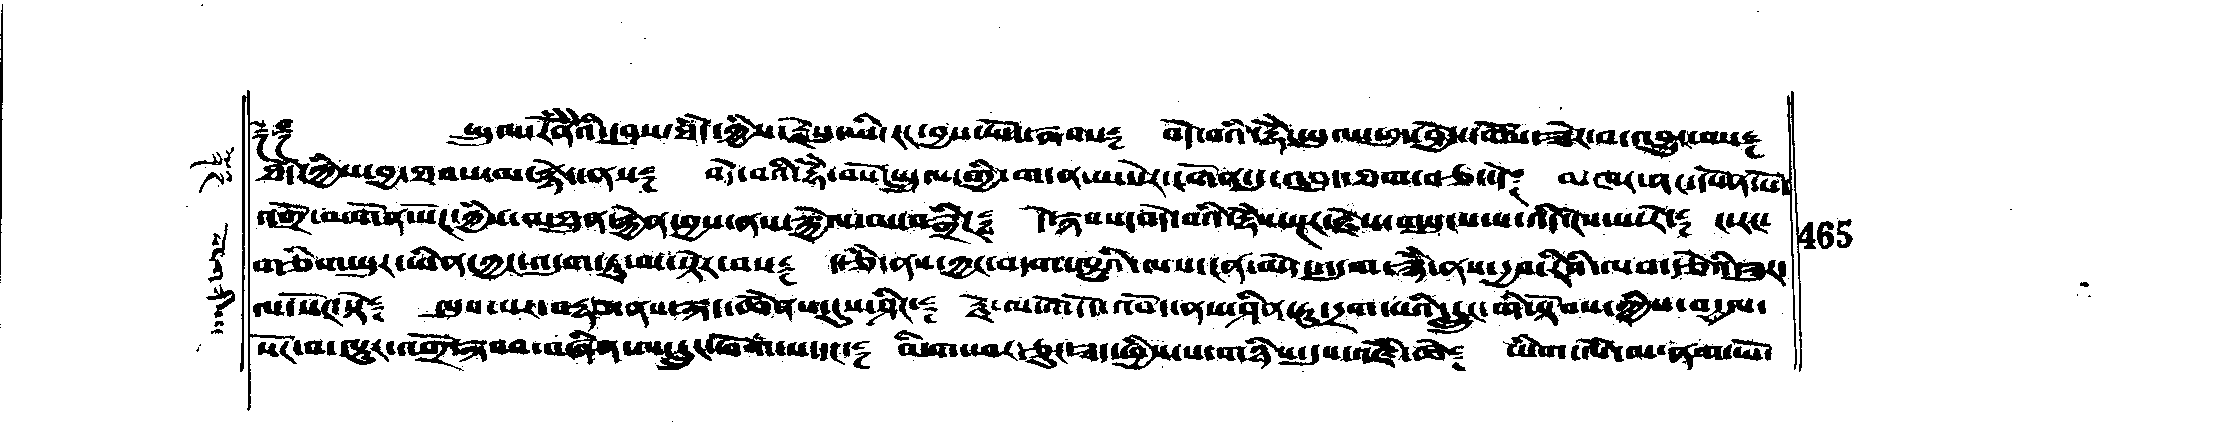སྤྲུལ་རིན་པོ་ཆེའི་དབུས་ཐམས་ཅད་ཀྱིས་རྗེས་སུ་ཡི་རང་བྱས་ཡོད་སྐབས། བདེ་བའི་རྡོ་རྗེ་ཡུལ་ཕུད་བྱེད་དགོས་ཟེར་བ་བྱུང་བས། 
ཐམས་ཅད་ཀྱིས་བྱ་ཐབས་མ་རྙེད་ནས། བདེ་བའི་རྡོ་རྗེ་བསོ་སྤྲུལ་གྱི་གདན་ས་སེར་དགོན་དུ་འབུད་ཐག་བཅད་དེ། མཁར་ནང་དཔོན་པོ་
འགྲོ་མགོན་སོགས་ཀྱིས་མཐུན་རྐྱེན་བྱས་ནས་སྐྱེལ་མ་བསྒྲིགས། དེ་སྐབས་བདེ་བའི་རྡོ་རྗེས་སྔར་རྗེས་གསུངས་པ་འདི་ངེས་པ་རེད། ང་རང་
གཅིག་པུར་ཡིན་ཀྱང་འདུག་ཏུ་མ་སྟེར་བས། ད་ཅི་ནས་ཀྱང་བདག་ལྟ་བུའི་ལས་ངན་མེད་འདུག་སྙམ་ནས་རྒྱབ་རིའི་ལབ་རྩེའི་ཟུར་
ལ་སོང་སྟེ། ལུས་སར་བརྡབ་ནས་སྐད་ཆེན་པོས་ངུས་ཤིང་། རྗེ་ལ་འོ་དོད་འབོད་ནས་ཤིན་ཏུ་དྲག་པའི་རླུང་གི་སྟོབས་ཀྱིས་བརྒྱལ་
སོང་བ་ལྟ་བུར་འགྲོ་སྐབས་བཞིན་ལ་རླུང་ཕོག་པ་དང་། མིག་ཕར་ཅུང་ཟད་ཕྱེ་པ་གཉིས་དུས་འཛོམ་ཚེ། མིག་ལམ་ལ་ནག་ཡོ་